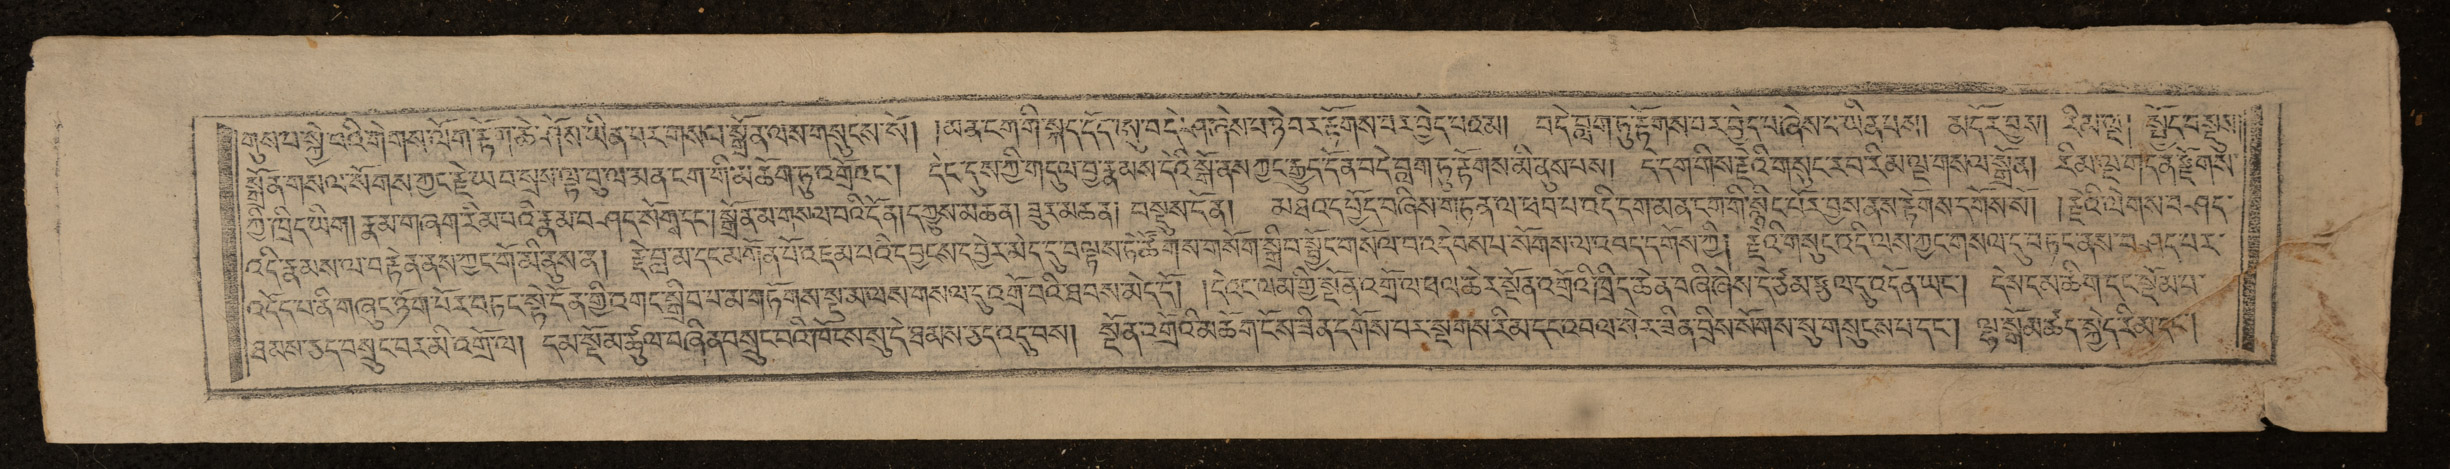གུས་པ་སྐྱེ་བའི་གེགས་ལོག་རྟོག་ཆེ་ཤོས་ཡིན་པར་གསལ་སྒྲོན་ལས་གསུངས་སོ། །མན་ངག་གི་སྐད་དོད་ཨུ་པ་དེ་ཤ་ཞེས་པ་ཉེ་བར་རྟོགས་པར་བྱེད་པའམ། བདེ་བླག་ཏུ་རྟོགས་པར་བྱེད་བ་ཞེས་པ་ཡིན་པས། མདོར་བྱས། རིམ་ལྔ། སྤྱོད་བསྡུས་
སྒྲོན་གསལ་སོགས་ཀྱང་རྗེ་ཡབ་སྲས་ལྟ་བུ་ལ་མན་ངག་གི་མཆོག་ཏུ་འགྲོའང་། དེང་དུས་ཀྱི་གདུལ་བྱ་རྣམས་དེའི་སྒོ་ནས་ཀྱང་རྒྱུད་དོན་བདེ་བླག་ཏུ་རྟོགས་མི་ནུས་བས། དེ་དག་གིས་རྗེའི་གསུང་རབ་རིམ་ལྔ་གསལ་སྒྲོན། རིམ་ལྔ་གདན་རྫོགས་
ཀྱི་ཁྲིད་ཡིག །རྣམ་གཞག་རིམ་པའི་རྣམ་བཤད་སོགས་དང་། སྒྲོན་མ་གསལ་བའི་དོན། དཀྱུས་མཆན། ཟུར་མཆན། བསྡུས་དོན། མཐའ་དཔྱོད་བཞིས་གཏན་ལ་ཕབ་པ་འདི་དག་མན་ངག་གི་སྙིང་པོར་བྱས་ནས་རྟོགས་དགོས་སོ། །རྗེའི་ལེགས་བཤད་
འདི་རྣམས་ལ་བརྟེན་ནས་ཀྱང་གོ་མི་ནུས་ན། རྗེ་བླ་མ་དང་མགོན་པོ་འཇམ་པའི་དབྱངས་དབྱེར་མེད་དུ་བལྟས་ཏེ་ཚོགས་གསོག་སྒྲིབ་སྦྱོང་གསོལ་བ་འདེབས་པ་སོགས་ལ་འབད་དགོས་ཀྱི། རྗེའི་གསུང་འདི་ལས་ཀྱང་གསལ་དུ་བཏང་ནས་བཤད་པར་
འདོད་པ་ནི་གཞུང་ཉོག་པོར་བཏང་སྟེ་དོན་གྱི་འགང་སྒྲིབ་པ་མ་གཏོགས་སྔ་མ་ལས་གསལ་དུ་འགྲོ་བའི་ཐབས་མེད་དོ། །དེའང་ལམ་གྱི་སྔོན་འགྲོ་ལ་ཕལ་ཆེར་སྔོན་འགྲོའི་ཁྲིད་ཆེན་བཞི་ཞེས་དེ་ཙམ་རྩལ་དུ་འདོན་ཡང་། དེས་དམ་ཚིག་དང་སྡོམ་པ་
ཐམས་ཅད་བསྲུང་བར་མི་འགྲོ་ལ། དམ་སྡོམ་ཚུལ་བཞིན་བསྲུང་བའི་ཁོངས་སུ་དེ་ཐམས་ཅད་འདུ་བས། སྔོན་འགྲོའི་མཆོག་ངོས་ཟིན་དགོས་པར་སྔགས་རིམ་དང་འབལ་སེར་ཟིན་བྲིས་སོགས་སུ་གསུངས་པ་དང་། ལྷ་སྒོམ་ཚད་བསྐྱེད་རིམ་དང་།